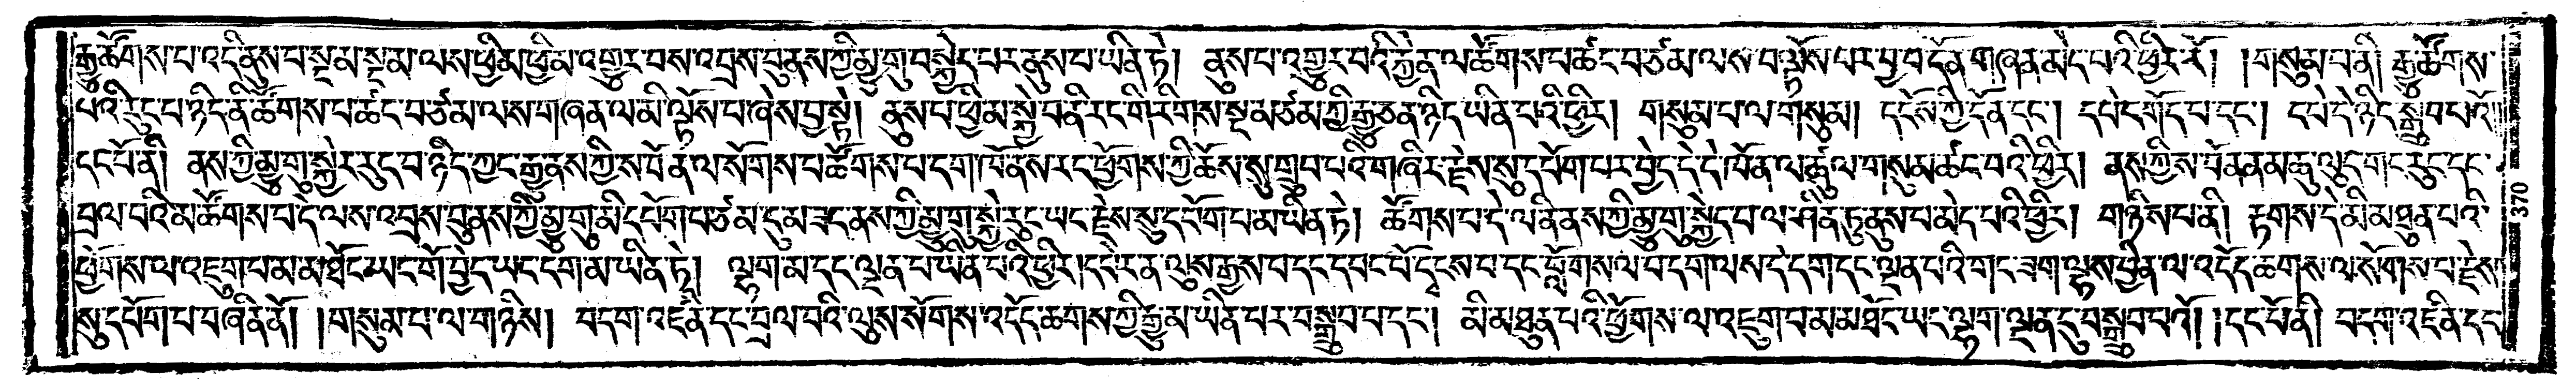རྒྱུ་ཚོགས་པ་འདི་ནུས་པ་སྔ་མ་སྔ་མ་ལས་ཕྱི་མ་ཕྱི་མ་འགྱུར་བས་འབྲས་བུ་ནས་ཀྱི་མྱུ་གུ་བསྐྱེད་པར་ནུས་པ་ཡིན་ཏེ། ནུས་པ་འགྱུར་བའི་རྐྱེན་ལ་ཚོགས་པ་ཚང་བ་ཙམ་ལས་བལྟོས་པར་བྱ་བ་དོན་གཞན་མེད་པའི་ཕྱིར་རོ། །གསུམ་པ་ནི། རྒྱུ་ཚོགས་
པའི་རུང་པ་ཉིད་ནི་ཚོགས་པ་ཚང་བ་ཙམ་ལས་གཞན་ལ་མི་ལྟོས་པ་ཞེས་བྱ་སྟེ། ནུས་པ་ཕྱི་མ་སྐྱེ་བ་ནི་རང་གི་རིགས་སྔ་མ་ཙམ་ཀྱི་རྒྱུ་ཅན་ཉིད་ཡིན་པའི་ཕྱིར། གསུམ་པ་ལ་གསུམ། དངོས་ཀྱི་དོན་དག། དཔེ་དགོད་པ་དང་། དཔེ་དེ་ཉིད་སྒྲུབ་པའོ། །
དང་པོ་ནི། ནས་ཀྱི་མྱུ་གུ་སྐྱེར་རུང་བ་ཉིད་ཀྱང་རྒྱུ་ནས་ཀྱི་ས་བོན་ལ་སོགས་པ་ཚོགས་པ་དག་ཁོ་ནས་རང་ཕྱོགས་ཀྱི་ཆོས་སུ་གྲུབ་པའི་གཞིར་རྗེས་སུ་དཔོག་པར་བྱེད་དེ་དེ་ཁོ་ན་ལ་ཚུལ་གསུམ་ཚང་བའི་ཕྱིར། ནས་ཀྱི་ས་བོན་ནམ་ཆུ་ལུད་གང་རུང་དང་
བྲལ་བའི་མ་ཚོགས་པ་དེ་ལས་འབྲས་བུ་ནས་ཀྱི་མྱུ་གུ་མི་དཔོག་པ་ཙམ་དུ་མ་ཟད་ནས་ཀྱི་མྱུ་གུ་སྐྱེ་རུང་ཡང་རྗེས་སུ་དཔོག་པ་མ་ཡིན་ཏེ། ཚོགས་པ་དེ་ལ་ནི་ནས་ཀྱི་མྱུ་གུ་སྐྱེད་པ་ལ་ཤིན་ཏུ་ནུས་པ་མེད་པའི་ཕྱིར། གཉིས་པ་ནི། རྟགས་དེ་མི་མཐུན་པའི་
ཕྱོགས་ལ་འཇུག་པ་མ་མཐོང་ཡང་གོ་བྱེད་ཡང་དག་མ་ཡིན་ཏེ། ལྷག་མ་དང་ལྡན་པ་ཡིན་པའི་ཕྱིར། དཔེར་ན་ལུས་རྒྱས་པ་དང་དབང་པོ་དྭངས་པ་དང་བློ་གསལ་བ་དག་ལས་དེ་དག་དང་ལྡན་པའི་གང་ཟག་ལྷས་བྱིན་ལ་འདོད་ཆགས་ལ་སོགས་པ་རྗེས་
སུ་དཔོག་པ་བཞིན་ནོ། །གསུམ་པ་ལ་གཉིས། བདག་འཛིན་དང་བྲལ་བའི་ལུས་སོགས་འདོད་ཆགས་ཀྱི་རྒྱུ་མ་ཡིན་པར་བསྒྲུབ་པ་དང་། མི་མཐུན་པའི་ཕྱོགས་ལ་འཇུག་པ་མ་མཐོང་ཡང་ལྷག་ལྡན་དུ་བསྒྲུབ་པའོ། །དང་པོ་ནི། བདག་འཛིན་དང་